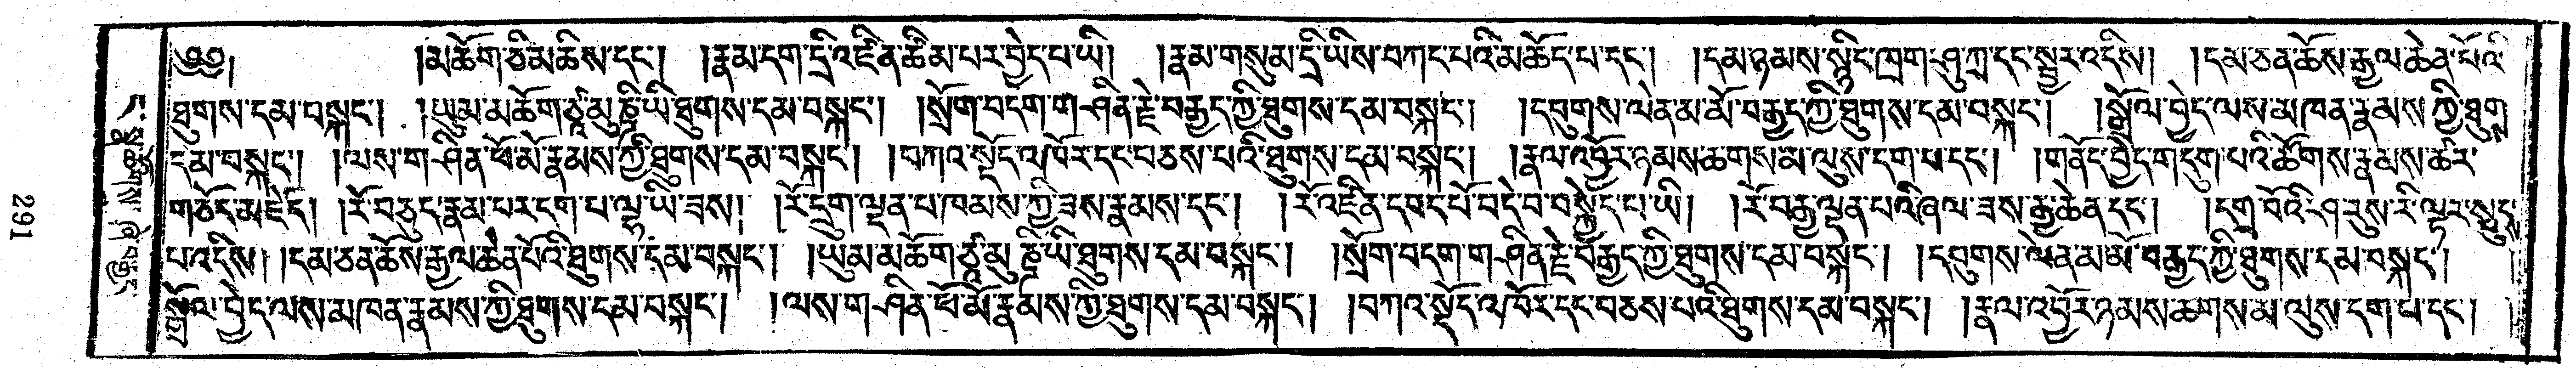༄༅། །མཆོག་ཅི་མཆིས་དང་། །རྣམ་དག་དྲི་འཛིན་ཚིམ་པར་བྱེད་པ་ཡི། །རྣམ་གསུམ་དྲི་ཡིས་བཀང་པའི་མཆོད་པ་དང་། །དམ་རྒྱལ་ཆེན་པོའི་རྒྱལ་ཆེན་པོའི་
ཐུགས་དམ་བསྐང་། །ཡུམ་མཆོག་ཙཱ་མུཎྜི་ཡི་ཐུགས་དམ་བསྐང་། །སྲོག་བདག་གཤིན་རྗེ་བརྒྱད་ཀྱི་ཐུགས་དམ་བསྐང་། །དབུགས་ལེན་མ་མོ་བརྒྱད་ཀྱི་ཐུགས་དམ་བསྐང་། །སྒྲོལ་བྱེད་ལས་མཁན་རྣམས་ཀྱི་ཐུགས་
དམ་བསྐང་། །ལས་གཤིན་ཕོ་མོ་རྣམས་ཀྱི་ཐུགས་དམ་བསྐང་། །བཀའ་སྡོད་འཁོར་དང་བཅས་པའི་ཐུགས་དམ་བསྐང་། །རྣལ་འབྱོར་ཉམས་ཆགས་མ་ལུས་དག་པ་དང་། །གནོད་བྱེད་གདུག་པའི་ཚོགས་རྣམས་ཚར་
གཅོད་མཛོད། །རོ་བཅུད་རྣམ་པར་དག་པ་ལྷ་ཡི་ཟས། །རོ་དྲུག་ལྡན་པ་ཁམས་ཀྱི་ཟས་རྣམས་དང་། །རོ་འཛིན་དབང་པོ་བདེ་བ་བསྐྱེད་པ་ཡི། །རོ་བརྒྱ་ལྡན་པའི་ཞལ་ཟས་རྒྱ་ཆེན་དང་། །དགྲ་བོའི་ཤ་རུས་རི་ལྟར་སྤུངས་
པ་འདིས། །དམ་ཅན་ཆོས་རྒྱལ་ཆེན་པོའི་ཐུགས་དམ་བསྐང་། །ཡུམ་མཆོག་ཙཱ་མུཎྜི་ཡི་ཐུགས་དམ་བསྐང་། །སྲོག་བདག་གཤིན་རྗེ་བརྒྱད་ཀྱི་ཐུགས་དམ་བསྐང་། །དབུགས་ལེན་མ་མོ་བརྒྱད་ཀྱི་ཐུགས་དམ་བསྐང་། །
སྒྲོལ་བྱེད་ལས་མཁན་རྣམས་ཀྱི་ཐུགས་དམ་བསྐང་། །ལས་གཤིན་ཕོ་མོ་རྣམས་ཀྱི་ཐུགས་དམ་བསྐང་། །བཀའ་སྡོད་འཁོར་དང་བཅས་པའི་ཐུགས་དམ་བསྐང་། །རྣལ་འབྱོར་ཉམས་ཆགས་མ་ལུས་དག་པ་དང་། །